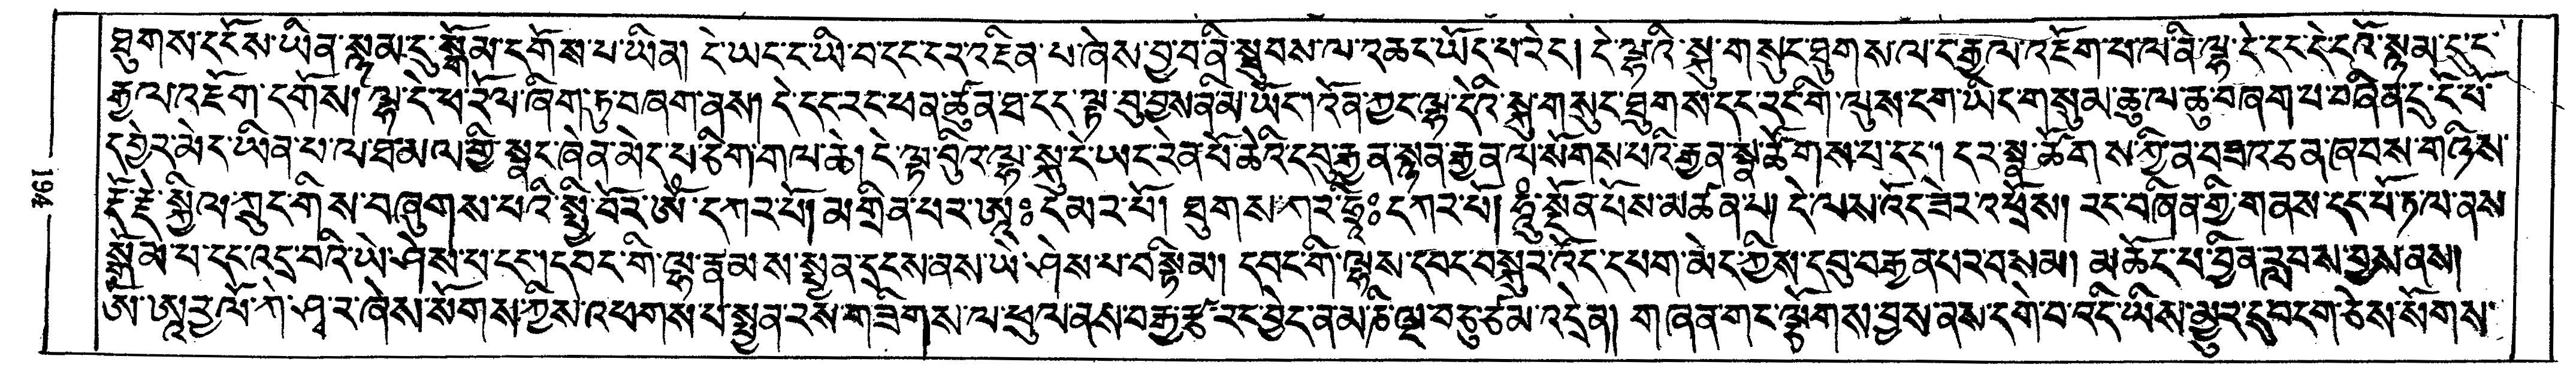ཐུགས་དངོས་ཡིན་སྙམ་དུ་སྒོམ་དགོས་པ་ཡིན། དེ་ཡང་ང་ཡི་བ་དང་ངར་འཛིན་པ་ཞེས་བྱ་བ་ནི་སྤུབས་ལ་འཚང་ཡོད་པ་རེད། དེ་ལྷའི་སྐུ་གསུང་ཐུགས་ལ་ང་རྒྱལ་འཇོག་པ་ལ་ནི་ལྷ་དེ་དང་དེ་ངའོ་སྙམ་དུ་ང་
རྒྱལ་འཇོག་དགོས། ལྷ་དེ་ཕ་རོལ་ཞིག་ཏུ་བཞག་ནས། དེ་དང་རང་ཕན་ཚུན་ཐ་དད་ལྟ་བུ་བྱས་ནི་མ་ཡོད། འོན་ཀྱང་ལྷ་དེའི་སྐུ་གསུང་ཐུགས་དང་རང་གི་ལུས་ངག་ཡིད་གསུམ་ཆུ་ལ་ཆུ་བཞག་པ་བཞིན་དུ་ངོ་བོ་
དབྱེར་མེད་ཡིན་པ་ལ་ཐ་མལ་གྱི་སྣང་ཞེན་མེད་པ་ཅིག་གལ་ཆེ། དེ་ལྟ་བུའི་ལྷ་སྐུ་དེ་ཡང་རིན་པོ་ཆེའི་དབུ་རྒྱན་སྙན་རྒྱན་ལ་སོགས་པའི་རྒྱན་སྣ་ཚོགས་པ་དང་། དར་སྣ་ཚོགས་ཀྱི་ན་བཟའ་ཅན་ཞབས་གཉིས་
རྡོ་རྗེ་སྐྱིལ་ཀྲུང་གིས་བཞུགས་པའི་སྤྱི་བོར་ཨོཾ་དཀར་པོ། མགྲིན་པར་ཨཱཿ དམར་པོ། ཐུགས་ཀར་ཧྲཱིཿ དཀར་པོ། ཧཱུཾ་སྔོན་པོས་མཚན་པ། དེ་ལས་འོད་ཟེར་འཕྲོས། རང་བཞིན་གྱི་གནས་དང་པོ་ཏ་ལ་ནས་
སྒོམ་པ་དང་འདྲ་བའི་ཡེ་ཤེས་པ་དང་། དབང་གི་ལྷ་རྣམས་སྤྱན་དྲངས་ནས་ཡེ་ཤེས་པ་བསྟིམ། དབང་གི་ལྷས་དབང་བསྐུར་འོད་དཔག་མེད་ཀྱིས་དབུ་བརྒྱན་པར་བསམ། མཆོད་པ་བྱིན་རླབས་བྱས་ནས།
ཨོ་ཨཱརྱ་ལོ་ཀེ་ཤྭ་ར་ཞེས་སོགས་ཀྱིས་འཕགས་པ་སྤྱན་རས་གཟིགས་ལ་ཕུལ་ནས་བརྒྱ་རྩ་རང་བྱེད་ན་མ་ཎི་ལྔ་བཅུ་ཙམ་འདྲེན། གཞན་གང་ལྕོགས་བྱས་ནས་དགེ་བ་འདི་ཡིས་མྱུར་དུ་བདག་ཅེས་སོགས་